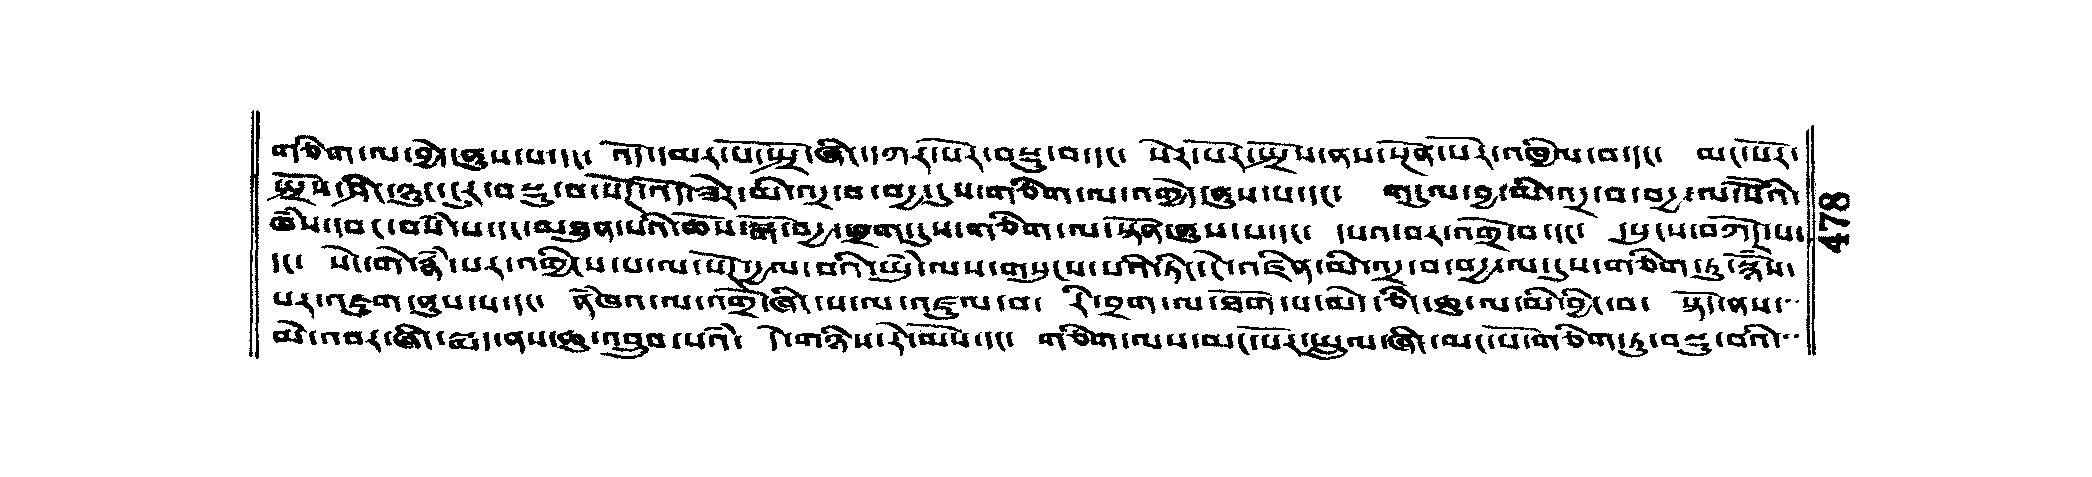གཅིག་ལ་བྱེད་ནུས་པ་དང་། འོད་དམར་པོ་སྤྲོ་ཞིང་དཀར་པོར་བསྡུ་བ་དང་། སེར་པོར་སྤྲོས་ནས་སྔོན་པོར་འཁྱིལ་བ་དང་། མང་པོར་
སྤྲོས་ཤིང་ཉུང་ངུར་བསྡུ་བ་སོགས་འོད་ཟེར་མི་འདྲ་བ་བརྒྱ་དུས་གཅིག་ལ་འགྱེད་ནུས་པ་དང་། གདུལ་བྱ་མི་འདྲ་བ་བརྒྱ་ལ་སོ་སོའི་
ཁམས་དབང་བསམ་པ་དང་མཐུན་པའི་ཆོས་སྒོ་བརྒྱ་ཕྲག་དུས་གཅིག་ལ་སྟོན་ནུས་པ་དང་། དཔའ་བར་འགྲོ་བ་དང་། དཔུང་བཀོད་པ་
དང་། སེངྒེ་རྣམ་པར་བསྒྱིངས་པ་ལ་སོགས་རྒྱལ་བའི་ཡུམ་ལས་གསུངས་པའི་ཏིང་ངེ་འཛིན་མི་འདྲ་བ་རྒྱ་ལ་དུས་གཅིག་ཏུ་སྙོམས་
པར་འཇུག་ནུས་པ་དང་། ནམ་མཁའ་ལ་འགྲོ་ཞིང་ས་ལ་འཛུལ་བ། རི་བྲག་ལ་ཐོགས་པ་མེད་ཅིང་ཆུ་ལ་མི་བྱིང་བ། སྟོད་ནས་
མེ་འབར་ཞིང་སྨད་ནས་ཆུ་འབྲུབ་པའམ། དེ་གཉིས་རེ་མོས་དང་། གཅིག་ལས་མང་པོར་སྤྲུལ་ཞིང་མང་པོ་གཅིག་ཏུ་བསྡུ་བའི་